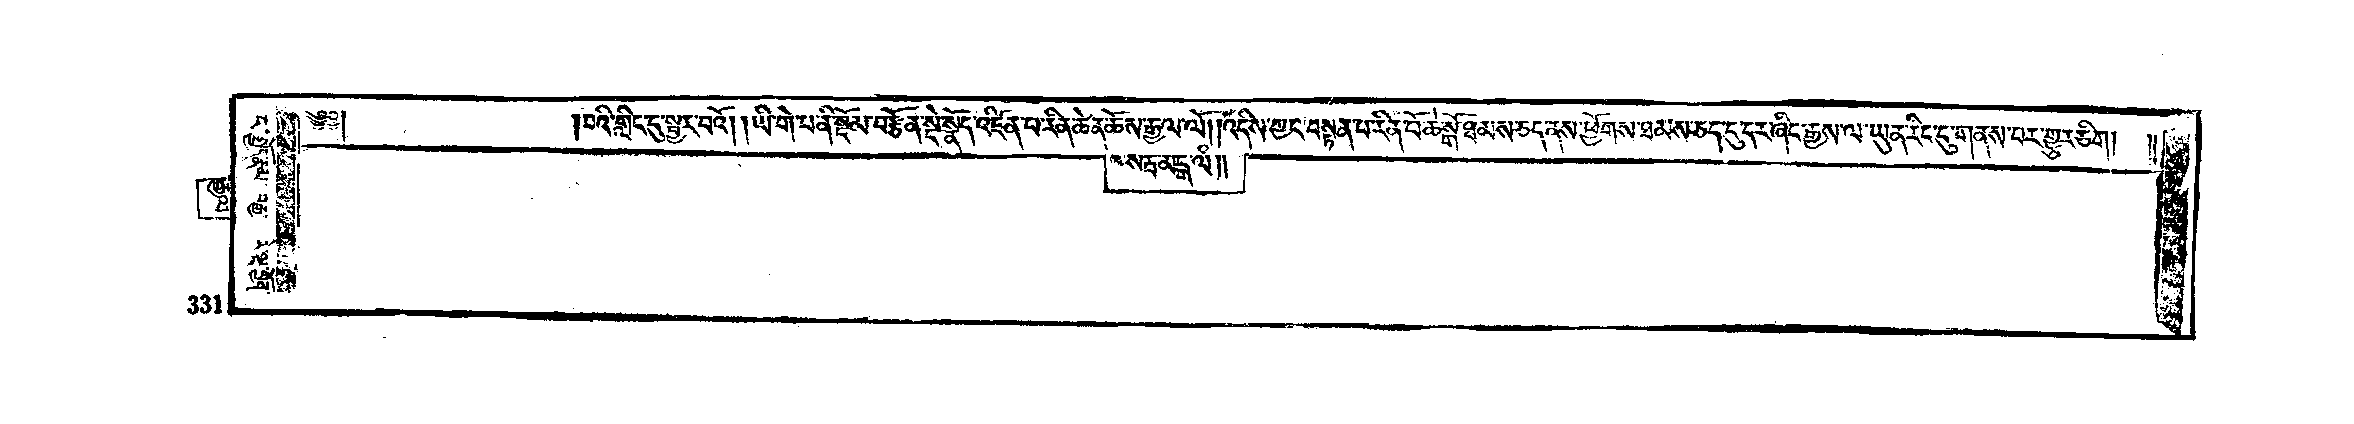༄༅། །བའི་གླིང་དུ་སྦྱར་བའོ། །ཡི་གེ་པ་ནི་སྡོམ་བརྩོན་སྡེ་སྣོད་འཛིན་པ་རིན་ཆེན་ཆོས་རྒྱལ་ལོ། །འདིས་ཀྱང་བསྟན་པ་རིན་པོ་ཆེ་སྒོ་ཐམས་ཅད་ནས་ཕྱོགས་ཐམས་ཅད་དུ་དར་ཞིང་རྒྱས་ལ་ཡུལ་རིང་དུ་གནས་པར་གྱུར་ཅིག ། །།སརབ་མངབ་ལཾ།།